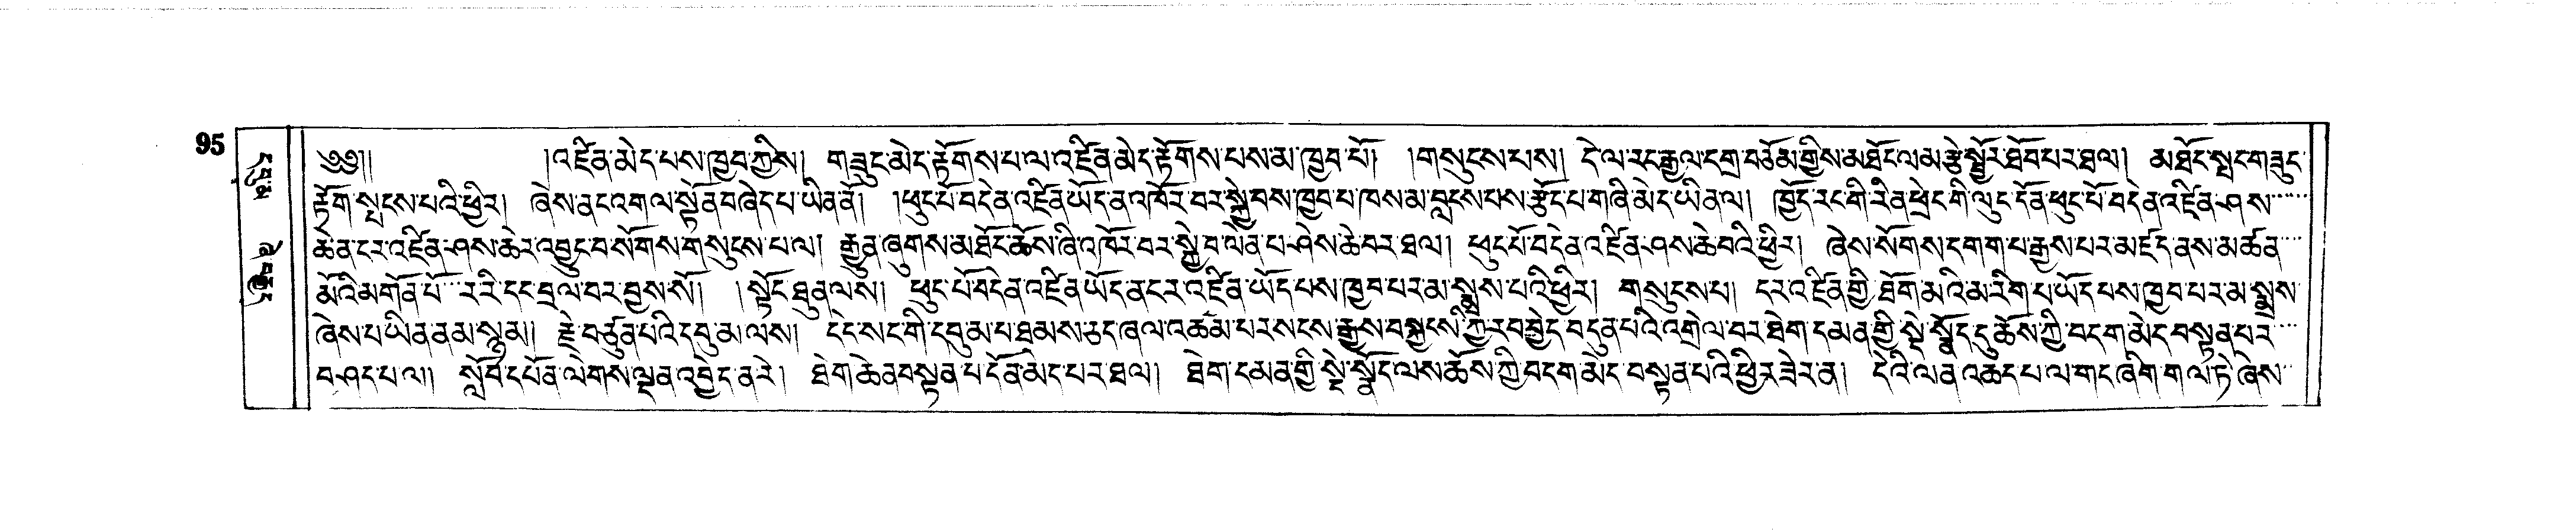༄༅། །འཛིན་མེད་པས་ཁྱབ་ཀྱིས། གཟུང་མེད་རྟོགས་པ་ལ་འཛིན་མེད་རྟོགས་པས་མ་ཁྱབ་པོ། །གསུངས་པས། དེ་ལ་རང་རྒྱལ་དགྲ་བཅོམ་གྱིས་མཐོང་ལམ་རྩེ་སྦྱོར་ཐོབ་པར་ཐལ། མཐོང་སྤང་གཟུང་
རྟོག་སྤངས་པའི་ཕྱིར། ཞེས་ནང་འགལ་སྟོན་བཞེད་པ་ཡིན་ནོ། །ཕུང་པོ་བདེན་འཛིན་ཡོད་ན་འཁོར་བར་སྐྱེ་བས་ཁྱབ་པ་ཁས་མ་བླངས་པས་རྩོད་པ་གཞི་མེད་ཡིན་ལ། ཁྱོད་རང་གི་རིན་ཕྲེང་གི་ལུང་དོན་ཕུང་པོ་བདེན་འཛིན་ཤས་
ཆེ་ན་ངར་འཛིན་ཤས་ཆེར་འབྱུང་བ་སོགས་གསུངས་པ་ལ། རྒྱུན་ཞུགས་མཐོང་ཆོས་ཞི་འཁོར་བར་སྐྱེ་བ་ལེན་པ་ཤེས་ཆེ་བར་ཐལ། ཕུང་པོ་བདེན་འཛིན་ཤས་ཆེ་བའི་ཕྱིར། ཞེས་སོགས་དགག་པ་རྒྱས་པར་མཛད་ནས་མཚན་
མོའི་མགོན་པོ་ར་རི་དང་བྲལ་བར་བྱས་སོ། །སྟོང་ཐུན་ལས། ཕུང་པོ་བདེན་འཛིན་ཡོད་ན་ངར་འཛིན་ཡོད་པས་ཁྱབ་པར་མ་སྨྲས་པའི་ཕྱིར། གསུངས་པ། དར་འཛིན་གྱི་ཐོག་མའི་མ་རིག་པ་ཡོད་པས་ཁྱབ་པར་མ་སྨྲས་
ཞེས་པ་ཡིན་ནམ་སྙམ། རྗེ་བཙུན་པའི་དབུ་མ་ལས། དེང་སང་གི་དབུ་མ་པ་ཐམས་ཅད་ཞལ་འཚམ་པར་སངས་རྒྱས་བསྐྱངས་ཀྱི་རབ་བྱེད་བདུན་པའི་འགྲེལ་བར་ཐེག་དམན་གྱི་སྡེ་སྣོད་དུ་ཆོས་ཀྱི་བདག་མེད་བསྟན་པར་
བཤད་པ་ལ། སློབ་དཔོན་ལེགས་ལྡན་འབྱེད་ན་རེ། ཐེག་ཆེན་བསྟན་པ་དོན་མེད་པར་ཐལ། ཐེག་དམན་གྱི་སྡེ་སྣོད་ལས་ཆོས་ཀྱི་བདག་མེད་བསྟན་པའི་ཕྱིར་ཟེར་ན། དེའི་ལན་འཆད་པ་ལ་གང་ཞིག་གལ་ཏེ་ཞེས་